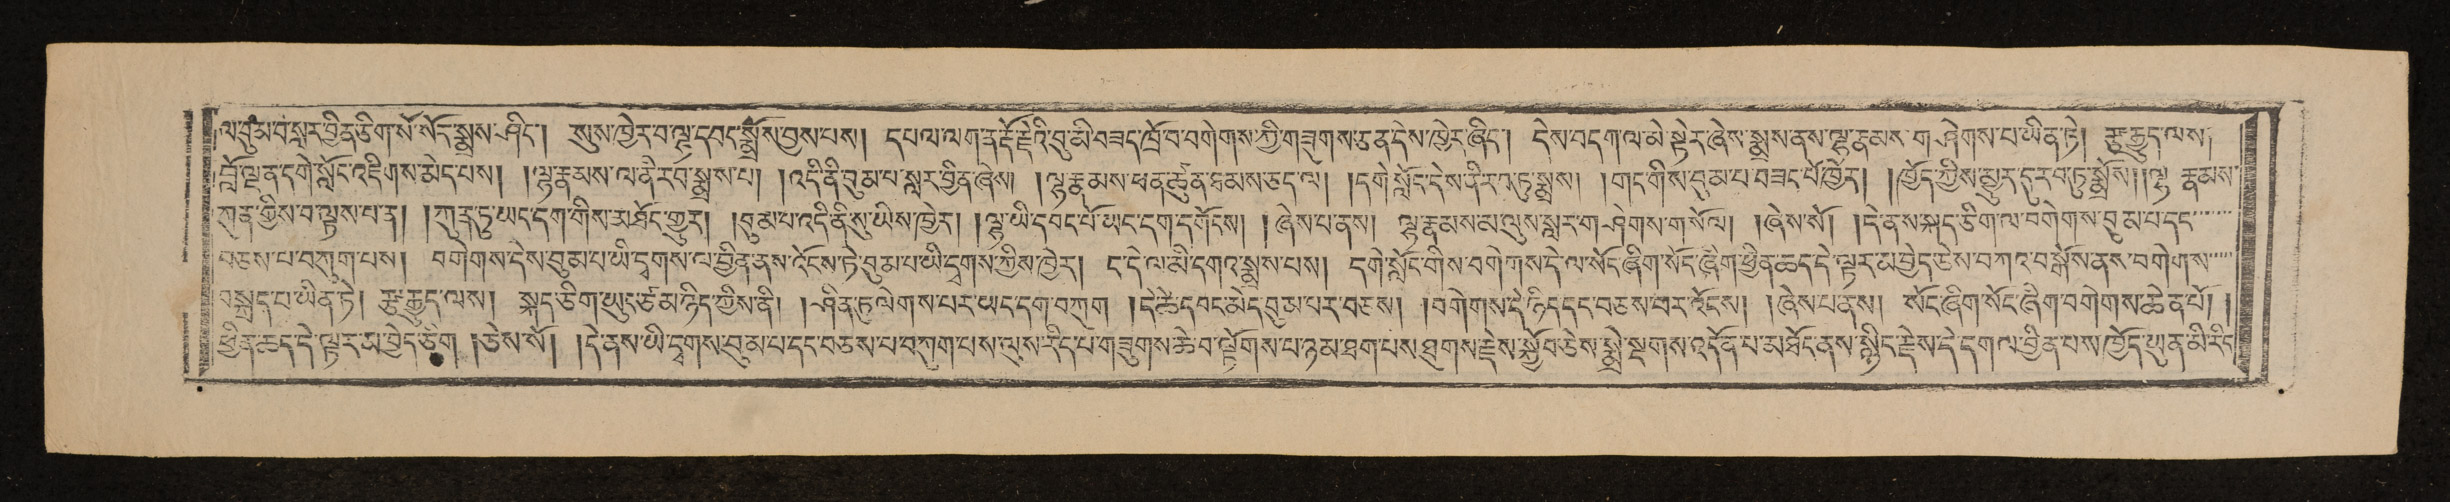འཁུམ་པ་སླར་བྱིན་ཅིག་སོ་སོར་སྨྲས་ཤིང་། སུས་ཁྱེར་བ་ལྷ་དབང་སྨྲོས་བྱས་པས། དཔལ་ལག་ན་རྡོ་རྗེའི་བུ་མི་བཟད་ཁྲོ་བ་བགེགས་ཀྱི་གཟུགས་ཅན་དེས་ཁྱེར་ཞིང་། དེས་བདག་ལ་མི་སྟེར་ཞེས་སྨྲས་ནས་ལྷ་རྣམས་གཤེགས་པ་ཡིན་ཏེ། རྩ་རྒྱུད་ལས།
བློ་ལྡན་དགེ་སློང་འཇིགས་མེད་པས། །ལྷ་རྣམས་ལ་ནི་རབ་སྨྲས་པ། །འདི་ནི་བུམ་པ་སླར་བྱིན་ཞེས། །ལྷ་རྣམས་ཕན་ཚུན་ཐམས་ཅད་ལ། །དགེ་སློང་དེས་ནི་རབ་ཏུ་སྨྲས། །གང་གིས་བུམ་པ་བཟང་པོ་ཁྱེར། །ཁྱོད་ཀྱིས་མྱུར་དུ་རབ་ཏུ་སྨྲོས། །ལྷ་རྣམས་
ཀུན་གྱིས་བལྟས་བ་ན། །ཀུན་ཏུ་ཡང་དག་གིས་མཐོང་གྱུར། །བུམ་པ་འདི་ནི་སུ་ཡིས་ཁྱེར། །ལྷ་ཡི་དབང་པོ་ཡང་དག་དགོངས། །ཞེས་པ་ནས། ལྷ་རྣམས་མ་ལུས་སླར་གཤེགས་གསོལ། །ཞེས་སོ། །དེ་ནས་སྐད་ཅིག་ལ་བགེགས་བུམ་པ་དང་
བཅས་པ་བཀུག་པས། བགེགས་དེས་བུམ་པ་ཡི་དྭགས་ལ་བྱིན་ནས་འོངས་ཏེ་བུམ་པ་ཡི་དྭགས་ཀྱིས་ཁྱེར། ང་དེ་ལ་མི་དགའ་སྨྲས་པས། དགེ་སློང་གིས་བགེགས་དེ་ལ་སོང་ཞིག་སོང་ཞིག་ཕྱིན་ཆད་དེ་ལྟར་མ་བྱེད་ཅེས་བཀའ་བསྒོས་ནས་བགེགས་
བསྐྲད་པ་ཡིན་ཏེ། རྩ་རྒྱུད་ལས། སྐད་ཅིག་ཡུད་ཙམ་ཉིད་ཀྱིས་ནི། །ཤིན་ཏུ་ལེགས་པར་ཡང་དག་བཀུག །དེ་ཚེ་དབང་མེད་བུམ་པར་བཅས། །བགེགས་དེ་ཉིད་དང་བཅས་པར་འོངས། །ཞེས་པ་ནས། སོང་ཞིག་སོང་ཞིག་བགེགས་ཆེན་པོ། །
ཕྱིན་ཆད་དེ་ལྟར་མ་བྱེད་ཅིག །ཅེས་སོ། །དེ་ནས་ཡི་དྭགས་བུམ་པ་དང་བཅས་པ་བཀུག་པས་ལུས་རིང་པ་གཟུགས་ཆེ་བ་ལྟོགས་པ་ཉམ་ཐག་པས་ཐུགས་རྗེས་སྐྱོབ་ཅེས་སྨྲེ་སྔགས་འདོན་པ་མཐོང་ནས་སྙིང་རྗེས་དེ་དག་ལ་བྱིན་པས་ཁྱོད་ཡུན་མི་རིང་